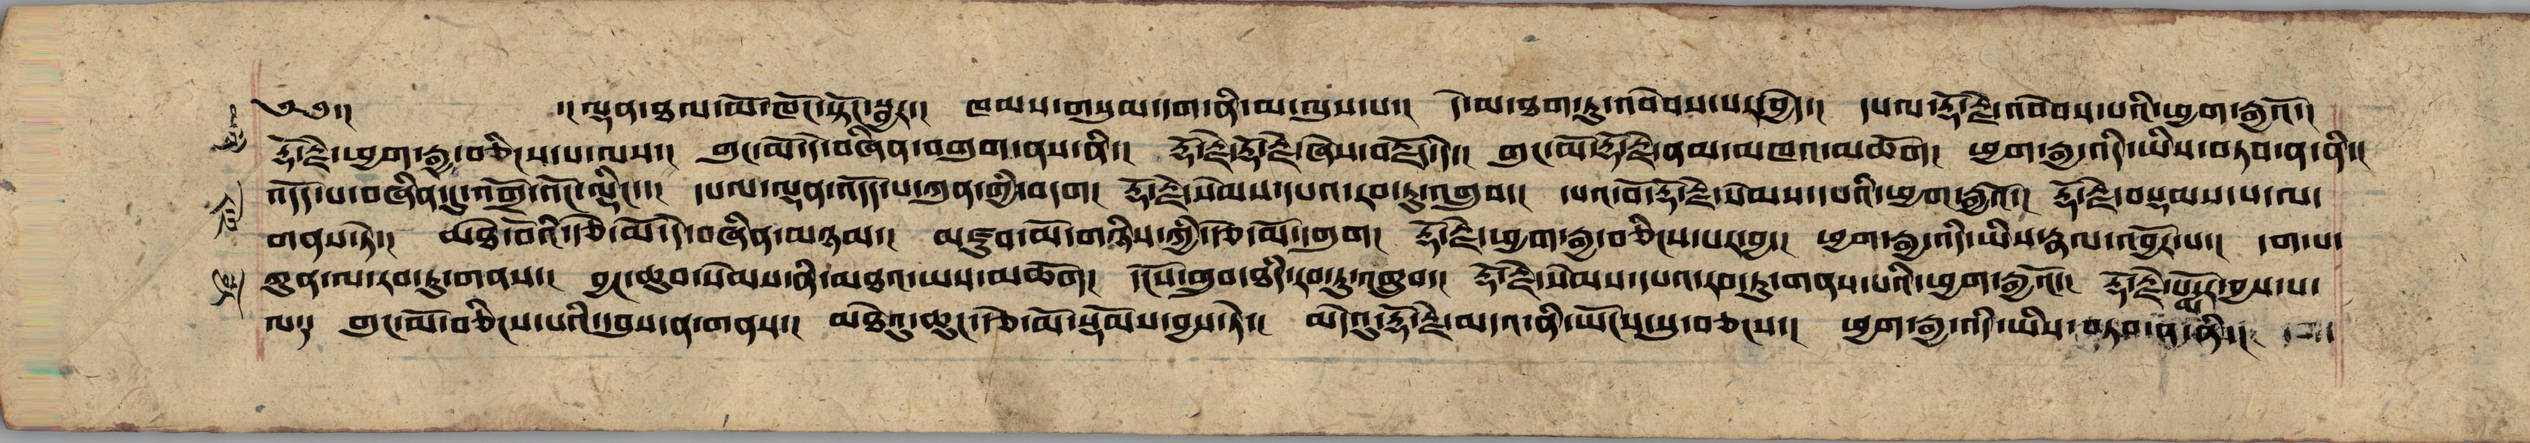༄༅་། ་།ལྡན་ཐལ་མོ་ཁོང་སྟོང་སྦྱར་། ཁམས་གསུམ་དག་ནི་མ་ལུས་པ་། དེ་མ་ཐག་ཏུ་འབེབས་པར་བྱེད་། དཔལ་རྡོ་རྗེ་འབེབས་པའི་ཕྱག་རྒྱའོ་།
རྡོ་རྗེ་ཕྱག་རྒྱ་བཅིངས་པ་ལས་། གུང་མོ་དེ་བཞིན་འགུག་ནས་ནི་། རྡོརྗེ་རྡོ་རྗེ་ཞེས་བརྗོད་དེ་། གུང་མོ་རྡོ་རྗེ་ནམ་མཁའ་མཆོག། ཕྱག་རྒྱ་འདི་ཡིས་བཏབ་ན་ནི་།
འདོད་པ་བཞིན་དུ་འགྲོ་འོང་ལྡིང་་། དཔལ་ལྡན་འདོད་པ་ཀུན་གྱི་བདག། རྡོ་རྗེ་སེམསདཔའ་རབ་ཏུ་བགྲུབ་། དཔའ་བོ་རྡོ་རྗེ་སེམས་དཔའི་ཕྱག་རྒྱའོ་། རྡོ་རྗེ་བསྡམས་པ་ལ་
གནས་ཏེ་། མཐེ་བོའི་རྩེ་མོ་དེ་བཞིན་མཉམ་། མཛུབ་མོ་གཉིས་ཀྱི་རྩེ་མོ་དགུག། རྡོ་རྗེ་ཕྱག་རྒྱ་བཅིངས་པར་བྱ་། ཕྱག་རྒྱ་འདི་ཡིས་རྣལ་འབྱོར་པ་། དག་པ་
ཀུན་ལ་རབ་ཏུ་གནས་། བྱང་ཆུབ་སེམས་ནི་མཐའ་ཡས་མཆོག། དངོས་གྲུབ་ཐཾད་རབ་་ཏུ་འགྲུབ་། རྡོ་རྗེ་སེམས་དཔའ་རབ་ཏུ་གནས་པའི་ཕྱག་རྒྱའོ་། རྡོ་རྗེ་པདྨོར་བྱས་པ་
ལ༑ གུང་མོ་བཅིངས་པའི་དབུས་ན་གནས་། མཐེའུ་ཆུང་རྩེ་མོ་སྡོམས་བྱས་ཏེ་། མདེའུ་རྡོ་རྗེ་མདའ་ནི་ཡོངས་སུ་བཅངས་། ཕྱག་རྒྱ་འདི་ཡིས་བཏབ་ན་ནི་། དག་